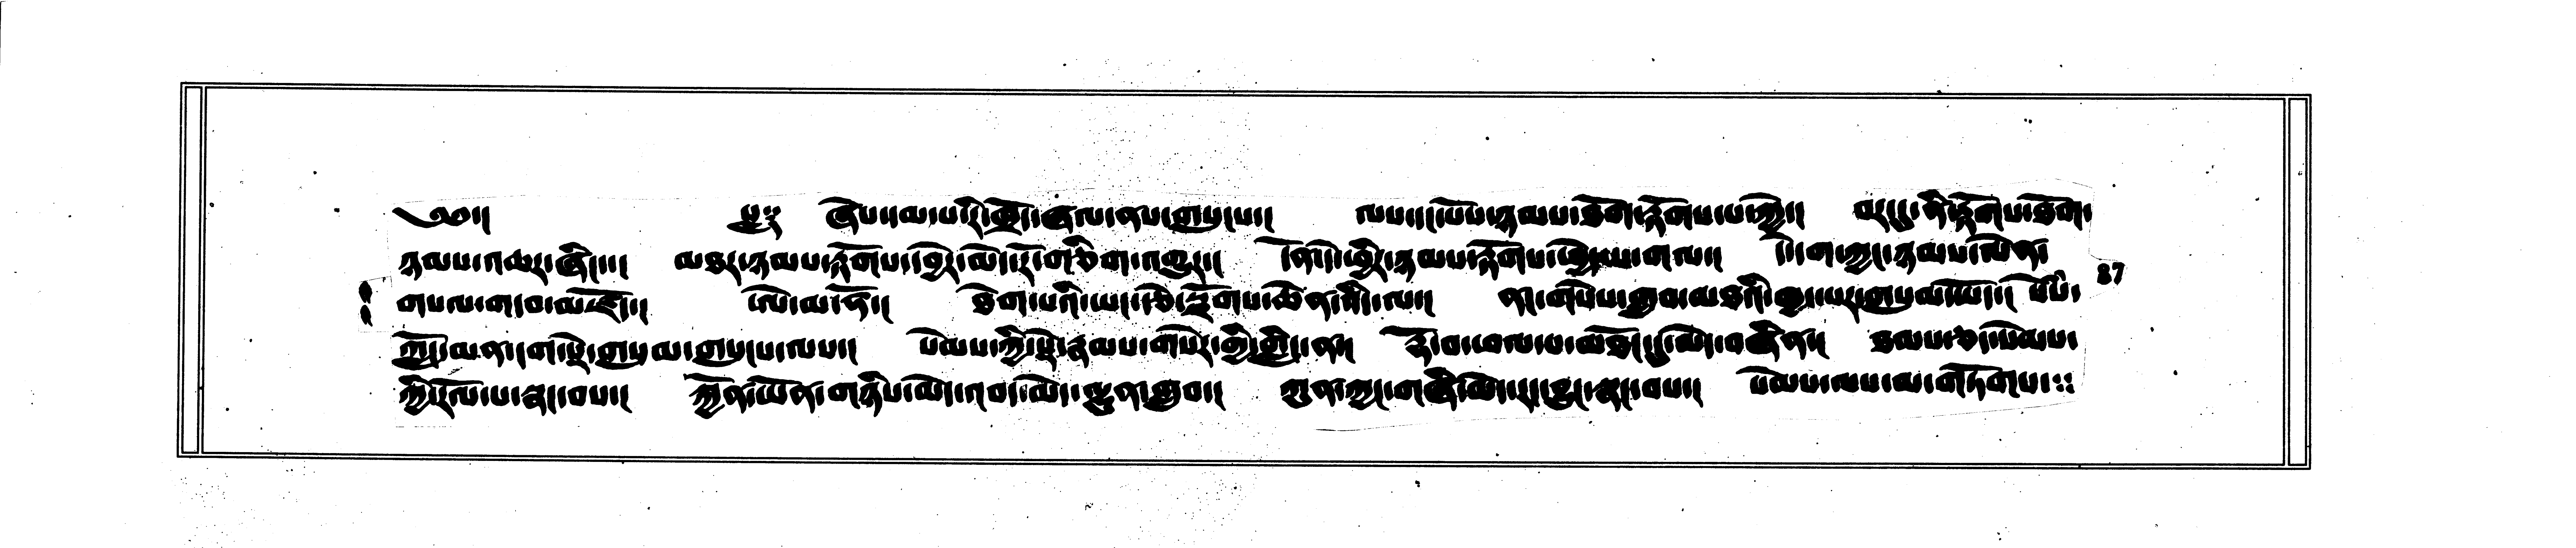སླ། །ཞེས་དམ་པ་རི་ཁྲོད་ཞལ་ནས་གསུངས། །ལས་དང་པོས་ཉམས་ཐོག་རྟོགས་པ་སྐྱེ། །བར་དུ་ནི་རྟོགས་ཐོག་
ཉམས་འཆར་ཞིང་། །མཐར་ཉམས་རྟོགས་དབྱེར་མེད་རོ་གཅིག་འགྱུར། །དོན་དེ་ཕྱིར་ཉམས་རྟོགས་ཕྱེད་པ་གལ། །དེ་དག་ཀྱང་ཉམས་ལེན་
གསལ་གདབ་མཛོད། །ཨེ་མ་ཧོ། །ཐེག་པའི་ཡང་རྩེ་རྫོགས་ཆེན་འདི་དག་ལ། །ནང་གསེས་གྲུབ་མཐའི་ཁྱད་པར་གསུམ་ཡོད། །སེམས་
ཀློང་མན་ངག་སྡེ་གསུམ་གསུངས་ལས། །སེམས་ཀྱི་སྡེ་རྣམས་གསེར་གྱི་གླིང་ནས། །རྡོ་བ་ཕལ་པ་མཐོང་དུ་མེད་བཞིན། །ཐམས་ཅད་སེམས་
ཀྱི་རོལ་པ་སྣང་བས། །སྐྱོན་ཡོན་གཉིས་མེད་འབད་མེད་ལྷུན་གྲུབ། །ཀུན་ཀྱང་གཞི་མེད་རང་འབྱུང་སྣང་བས། །སེམས་ལས་མ་གཏོགས་